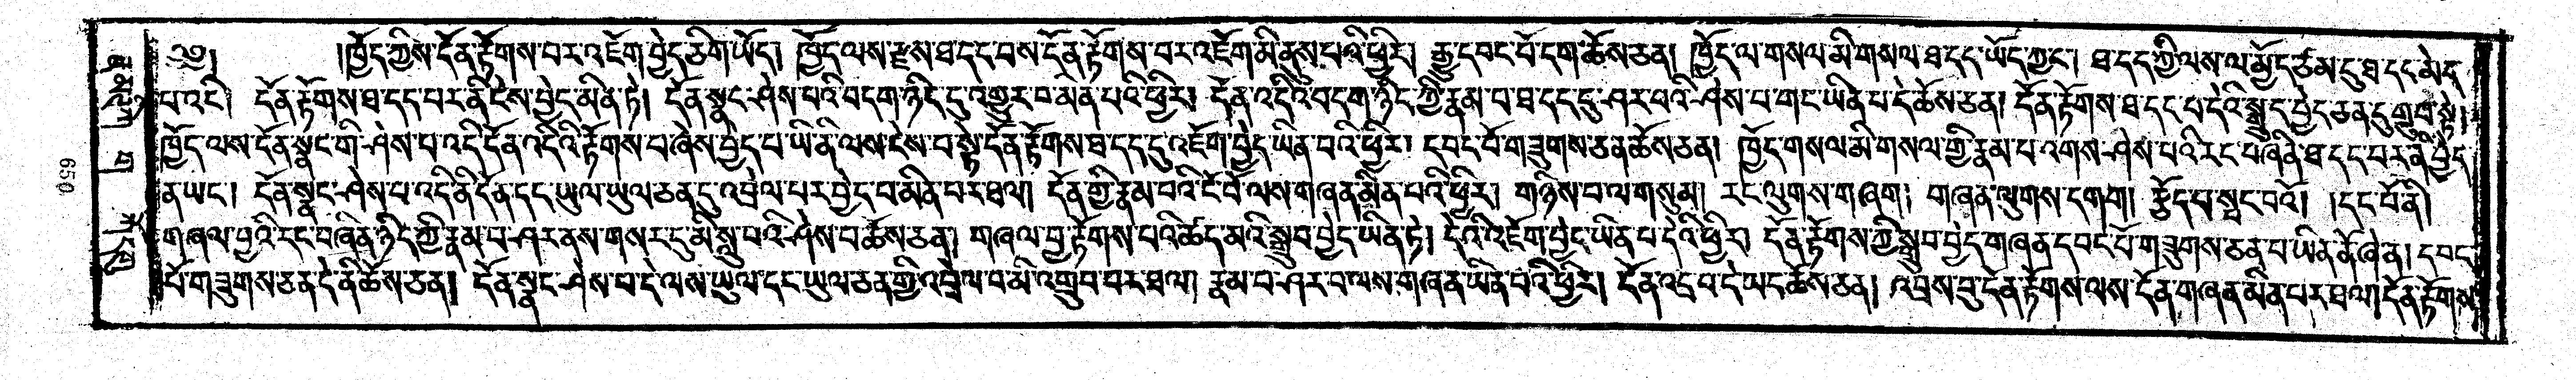༄༅། །ཁྱོད་ཀྱིས་དོན་རྟོགས་པར་འཇོག་བྱེད་ཅིག་ཡོད། ཁྱོད་ལས་རྫས་ཐ་དང་པས་དོན་རྟོགས་བར་འཇོག་མི་ནུས་པའི་ཕྱིར། རྒྱུ་དབང་པོ་དག་ཆོས་ཅན། ཁྱོད་ལ་གསལ་མི་གསལ་ཐ་དད་ཡོད་ཀྱང་། ཐ་དད་ཀྱི་ལས་ལ་མྱོད་རྩམ་དུ་ཐ་དང་མེད་
པ་འདི། དོན་རྟོགས་ཐ་དད་པར་ནི་ངེས་བྱེད་མིན་ཏེ། དོན་སྣང་ཤེས་པའི་བདག་ཉིད་དུ་འགྱུར་བ་མིན་པའི་ཕྱིར། དོན་འདིའི་བདག་ཉིད་ཀྱི་རྣམ་པ་ཐ་དང་དུ་ཤར་བའི་ཤེས་པ་གང་ཡིན་པ་དེ་ཆོས་ཅན། དོན་རྟོགས་ཐ་དད་བ་དེའི་སྒྲུད་བྱེད་ཅན་དུ་གྲུབ་སྟེ།
ཁྱོད་ལས་དོན་སྣང་གི་ཤེས་པ་འདི་དོན་འདིའི་རྟོགས་པ་ཞེས་བྱེད་པ་ཡི་ནི་ལས་ངེས་པ་སྟེ་དོན་རྟོགས་ཐ་དད་དུ་འཇོག་བྱེད་ཡིན་བའི་ཕྱིར། དབང་བོ་གཟུགས་ཅན་ཆོས་ཅན། ཁྱོད་གསལ་མི་གསལ་གྱི་རྣམ་པ་འགས་ཤེས་པའི་རང་བཞིན་ཐ་དད་པར་ནི་བྱེད་
ན་ཡང་། དོན་སྣང་ཤེས་པ་འདི་ནི་དོན་དང་ཡུལ་ཡུལ་ཅན་དུ་འབྲེལ་པར་བྱེད་བ་མིན་པར་ཐལ། དོན་གྱི་རྣམ་བའི་ངོ་བོ་ལས་གཞན་མིན་པའི་ཕྱིར། གཉིས་བ་ལ་གསུམ། རང་ལུགས་གཞག། གཞན་ལུགས་དགག། རྩོད་བ་སྤང་བའོ། །དང་པོ་ནི།
གཞལ་བྱའི་རང་བཞིན་ཉིད་ཀྱི་རྣམ་པ་ཤར་ནས་གསར་དུ་མི་སླུ་བའི་ཤེས་བ་ཆོས་ཅན། གཞལ་བྱ་རྟོགས་པའི་ཚད་མའི་སྒྲུབ་བྱེད་ཡིན་ཏེ། དེའི་འཇོག་བྱེད་ཡིན་པ་དེའི་ཕྱིར། དོན་རྟོགས་ཀྱི་སྒྲུབ་བྱེད་གཞན་དབང་པོ་གཟུགས་ཅན་པ་ཡིན་ནོ་ཞེ་ན། དབང་
པོ་གཟུགས་ཅན་དེ་ནི་ཆོས་ཅན། དོན་སྣང་ཤེས་བ་དེ་ལས་ཡུལ་དང་ཡུལ་ཅན་གྱི་འབྲེལ་བ་མི་འགྲུབ་བར་ཐལ། རྣམ་བ་ཤར་བ་ལས་གཞན་ཡིན་པའི་ཕྱིར། དོན་འདྲ་བ་དེ་ཡང་ཆོས་ཅན། འབྲས་བུ་དོན་རྟོགས་ལས་དོན་གཞན་མིན་པར་ཐལ། དོན་རྟོགས་